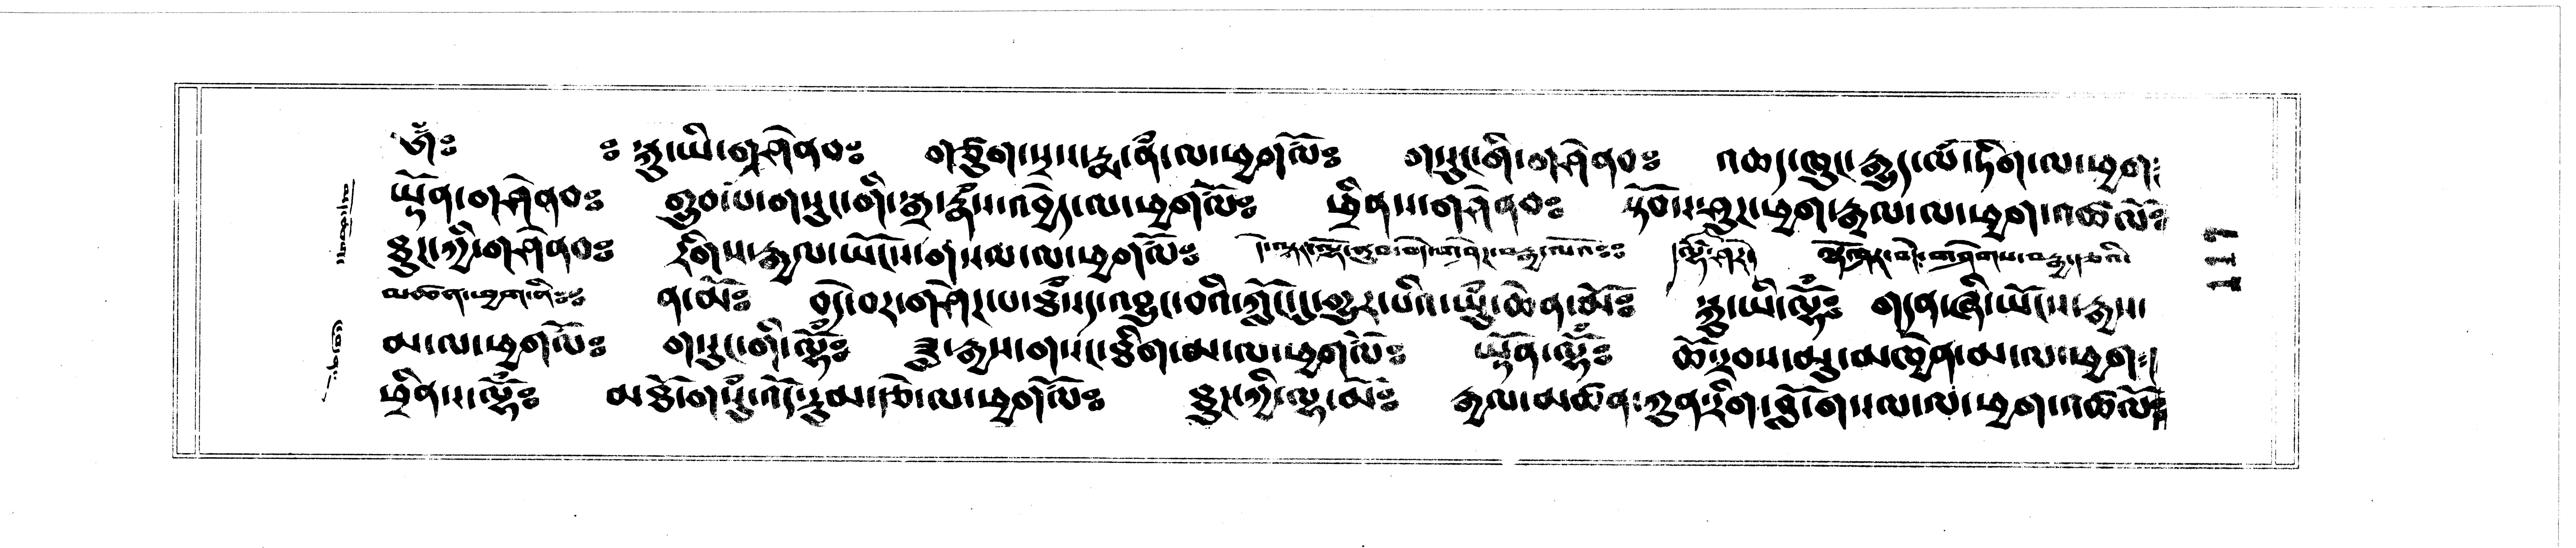སྐུ་ཡི་གཤེན་རབཿ གཙུག་སྲས་རྨ་ནམ་ལ་ཕྱག་འཚལ་ལོཿ གསུང་གི་གཤེན་རབ་ལཿ འཆད་ཁུངས་རྒྱུན་ལམ་ཏིག་ལ་ཕྱག་འཚལ་ལོཿ 
ཡོན་ཏན་གྱི་གཤེན་རབཿ གྲུབ་པ་གསུང་གི་སྒྲ་རྣམས་འབྱེད་ལ་ཕྱག་འཚལ་ལོཿ ཕྲིན་ལས་ཀྱི་གཤེན་རབཿ སྟོབས་ཤུགས་ཕྱག་རྒྱ་ལ་ཕྱག་འཚལ་ལོཿ 
ཐུགས་ཀྱི་གཤེན་རབཿ རིགས་རྒྱལ་ཡོངས་གསལ་ལ་ཕྱག་འཚལ་ལོཿ དེ་ལྟར་ལྷོ་ནུབ་བདེར་གཤེགས་བརྒྱ་ལའོཿ ༼ལྷོ་ཤར༽ལྷོ་ཤར་བདེར་གཤེགས་བརྒྱ་རྩའི་
མཚན་ཕྱག་ནིཿ ན་མོ་བདེ་བར་གཤེགས་པ་ཐམས་ཅད་འབྱུང་བའི་ཀློང་དུ་གྱུར་པའི་ཡུམ་ཆེན་མོཿ སྐུ་ཡི་ལྷ་མོཿ གདན་བཞི་ཡོངས་རྒྱས་
ལ་ཕྱག་འཚལ་ལོཿ གསུང་གི་ལྷ་མོཿ ཟླ་རྒྱས་གསང་ཐིག་མ་ལ་ཕྱག་འཚལ་ལོཿ ཡོན་ཏན་གྱི་ལྷ་མོཿ ཆོ་རབས་མུར་མཁྱེན་མ་ལ་ཕྱག་འཚལ་ལོཿ
ཕྲིན་ལས་ཀྱི་ལྷ་མོཿ མཐོ་གསུམ་འོད་རུམ་རྩེ་ལ་ཕྱག་འཚལ་ལོཿ ཐུགས་ཀྱི་ལྷ་མོཿ རྒྱལ་མཚན་ཀུན་རིག་བློ་ལ་ཕྱག་འཚལ་ལོཿ